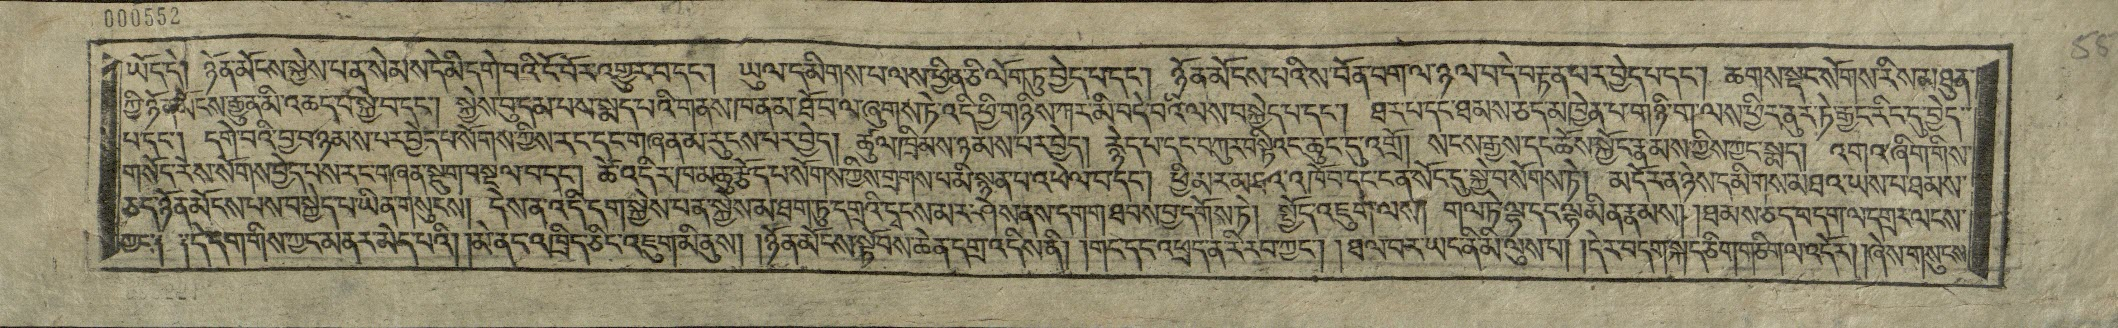ཡོད་དེ། ཉོན་མོངས་སྐྱེས་པ་ན་སེམས་དེ་མི་དགེ་བའི་ངོ་བོར་འགྱུར་བ་དང་། ཡུལ་དམིགས་པ་ལས་ཕྱིན་ཅི་ལོག་ཏུ་བྱེད་པ་དང་། ཉོན་མོངས་པའི་ས་བོན་བག་ལ་ཉལ་བ་དེ་བརྟན་པར་བྱེད་པ་དང་། ཆགས་སྡང་སོགས་རིས་མཐུན་
ཀྱི་ཉོན་མོངས་རྒྱུན་མི་འཆད་པ་སྐྱེ་བ་དང་། སྐྱེས་བུ་དམ་པས་སྨད་པའི་གནས་ཁ་ན་མ་ཐོ་བ་ལ་ཞུགས་ཏེ་འདི་ཕྱི་གཉིས་ཀར་མི་བདེ་བའི་ལས་བསྐྱེད་པ་དང་། ཐར་པ་དང་ཐམས་ཅད་མཁྱེན་པ་གཉི་ག་ལས་ཕྱིར་ནུར་ཏེ་རྒྱང་རིང་དུ་བྱེད་
པ་དང་། དགེ་བའི་བྱ་བ་ཉམས་པར་བྱེད་པ་སོགས་ཀྱིས་རང་དང་གཞན་མ་རུངས་པར་བྱེད། ཚུལ་ཁྲིམས་ཉམས་པར་བྱེད། རྙེད་པ་དང་བཀུར་བསྟིའང་ཆུང་དུ་འགྲོ། སངས་རྒྱས་དང་ཆོས་སྐྱོང་རྣམས་ཀྱིས་ཀྱང་སྨད། འགའ་ཞིག་གིས་
གསོད་རེས་སོགས་བྱེད་པས་རང་གཞན་སྡུག་བསྔལ་བ་དང་། ཚེ་འདིར་ཁ་མཆུ་རྩོད་པ་སོགས་ཀྱིས་གྲགས་པ་མི་སྙན་པ་འཕེལ་བ་དང་། ཕྱི་མར་མཐའ་འཁོབ་དང་ངན་སོང་དུ་སྐྱེ་བ་སོགས་ཏེ། མདོར་ན་ཉེས་དམིགས་མཐའ་ཡས་པ་ཐམས་
ཅད་ཉོན་མོངས་པས་བསྐྱེད་པ་ཡིན་གསུངས། དེས་ན་འདི་དག་སྐྱེས་པན་སྐྱེས་མ་ཐག་ཏུ་དགྲའི་དྭངས་མར་ཤེས་ནས་དགག་ཐབས་བྱ་དགོས་ཏེ། སྤྱོད་འཇུག་ལས། གལ་ཏེ་ལྷ་དང་ལྷ་མིན་རྣམས། །ཐམས་ཅད་བདག་ལ་དགྲར་ལངས་
ཀྱང༑ ༑དེ་དག་གིས་ཀྱང་མནར་མེད་པའི། །མེ་ནང་འཁྲིད་ཅིང་འཇུག་མི་ནུས། །ཉོན་མོངས་སྟོབས་ཆེན་དགྲ་འདིས་ནི། །གང་དང་འཕྲད་ན་རི་རབ་ཀྱང་། །ཐལ་བར་ཡང་ནི་མི་ལུས་པ། །དེར་བདག་སྐད་ཅིག་གཅིག་ལ་འདོར། །ཞེས་གསུངས་